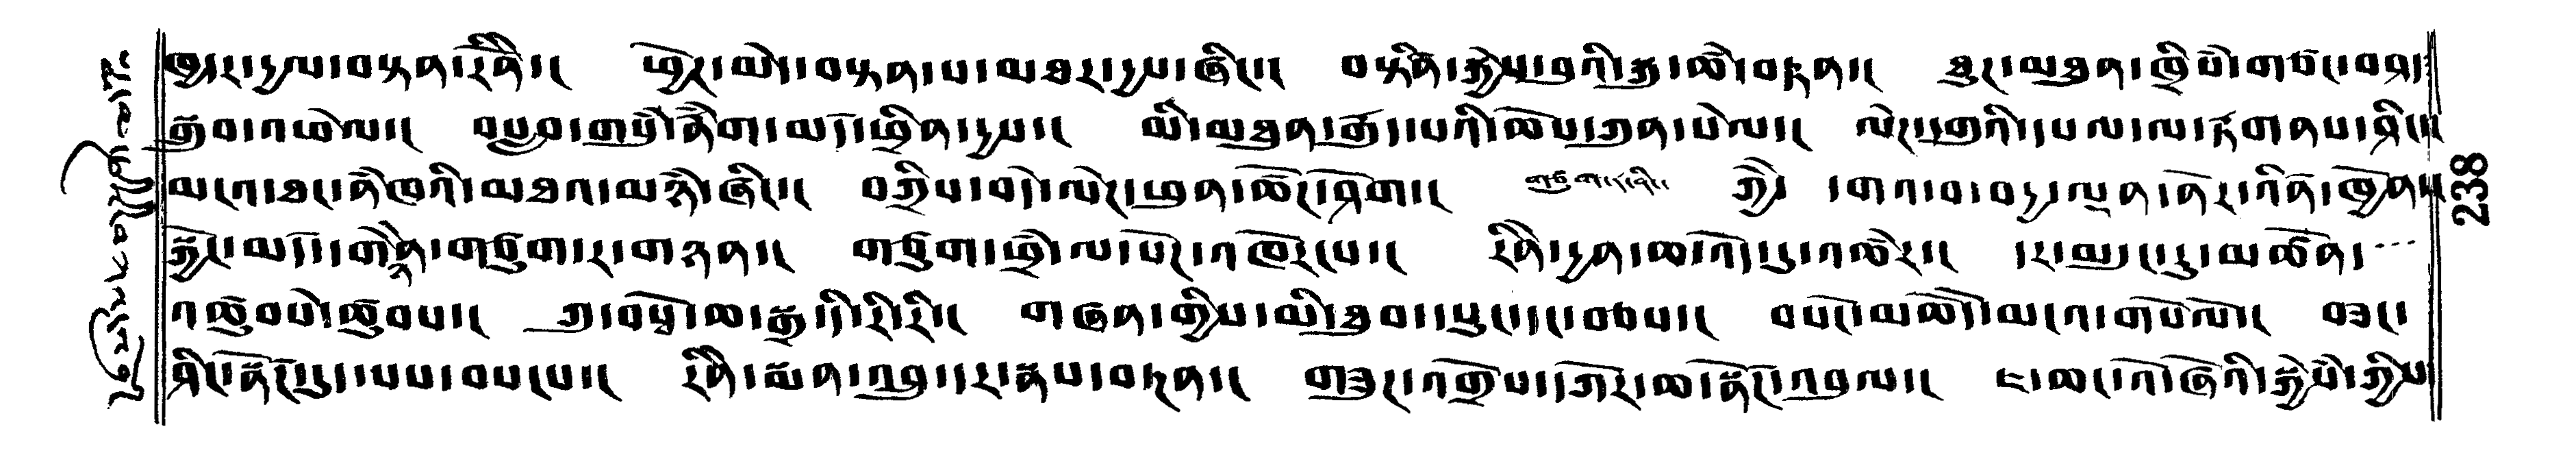ཁྱད་པར་རྒྱལ་བསྟན་རིན་པོ་ཆེ། །ཕྱོགས་མེད་བསྟན་པ་མཐར་རྒྱས་ཞིང་། །བསྟན་འཛིན་སྐྱེས་བུའི་སྐུ་ཚེ་བརྟན། །ཐུགས་མཐུན་ཁྲིམས་གཙང་བཤད་
སྒྲུབ་འཕེལ། །བསླབ་གསུམ་རྣམ་དག་མཛད་ཕྲིན་ལས་རྒྱས། །མི་མཐུན་རྒུད་པའི་ཆོས་ཀུན་སོལ། །ལེགས་དགུའི་དཔལ་ལ་རྟག་གནས་ཤིང་། །
མངའ་ཐང་ནམ་མཁའི་མཐ་མཉམ་ཞིང་། །བཀྲ་ཤིས་བདེ་ལེགས་ཕུན་ཚོགས་ཤོག གཙུག་ར་ནི། ཀྱཻ། །དགའ་བ་བརྒྱ་ལྡན་ནོར་འཛིན་ཁྱོན། །
སྐྱོང་མཛད་དགེ་གཉེན་གཙུག་ར་གཉན། །གཙུག་ཕྲམ་ལ་སོགས་འཁོར་དང་བཅས། །རིན་ཆེན་རྒྱན་ཆ་འོད་དུ་འཚེར། །དར་མདུང་རུ་མཚོན་
འཚུབས་བསེ་ཚུབ། །ཀི་བསྭོ་ཆ་སྒྲ་དི་རི་རི། །གཞན་གྱིས་མི་ཏུབ་དཔུང་དང་བཅས། །བསང་ངོ་མཆོད་དོ་མངའ་གསོལ་ལོ། །བཟང་
ཤིང་སྣ་ཚོགས་དུད་པས་བསངས། །རིན་ཆེན་སྨན་འབྲུ་དར་སྣས་བརྔན། །གཟུགས་འགྲོས་དཀོར་ཆ་སྣ་ཚོགས་འབུལ། །ཇ་ཆང་འོ་ཞོའི་སྐྱེམས་ཀྱིས་